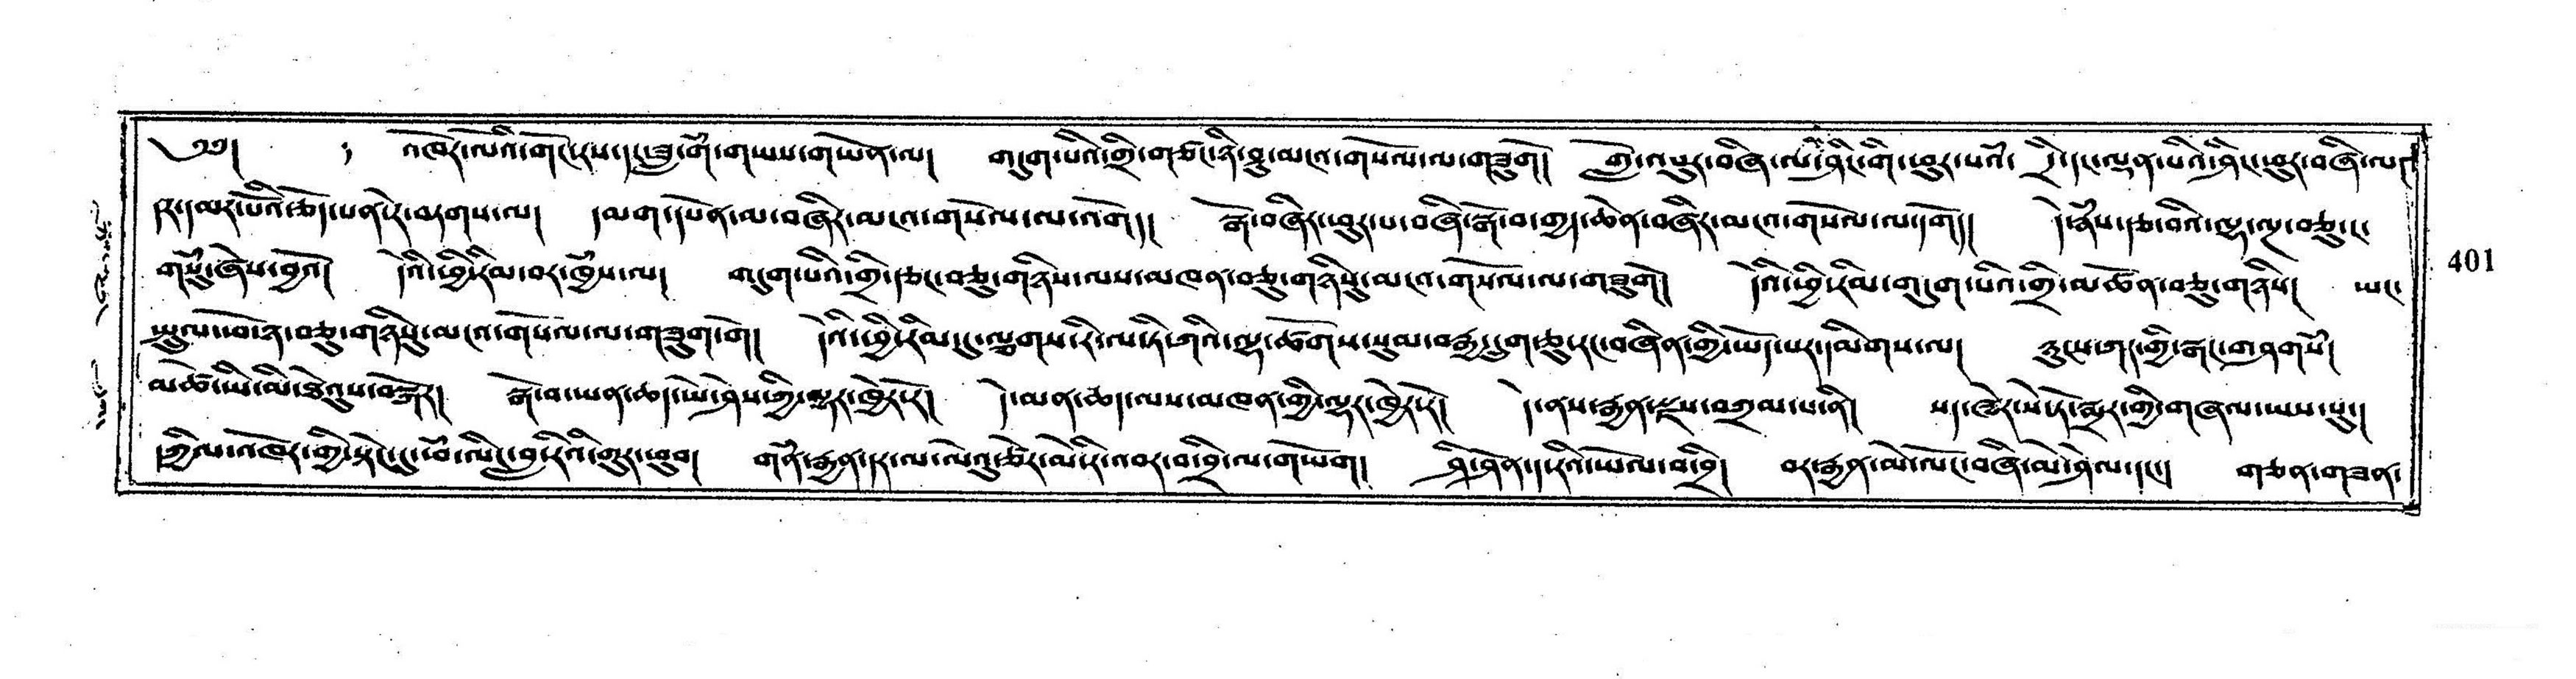འཁོར་ལོའི་གོང་རས་དང་ཟླ་གམ་གཡས་གཡོན་ལ། གདུག་པའི་གྲི་གཙང་ཉི་ཤུ་མངའ་གསོལ་ལ་གཟུག་གོ གློ་འབུར་བཞི་ལ་ཤི་ཤིང་གི་ཕུར་པའམ། དྲི་དང་ལྡན་པའི་ཤིང་ཕུར་བཞི་ལ།། 
དར་དམར་པོའི་ཅོད་པན་རེ་བཏགས་ལ། དམག་དཔོན་མ་བཞིར་མངའ་གསོལ་ལ་འགོད། སྒོ་བཞིར་ཕུར་པ་བཞི་སྒོ་བ་གྱད་ཆེན་བཞིར་མངའ་གསོལ་ལ་དགོད། དེ་རྣམས་རྩ་བའི་ལྷ་ལྔ་བཅུ་
ང་གསུམ་ཞེས་བྱའོ། དེའི་ཕྱི་རིམ་བར་ཁྱམས་ལ། གདུག་པའི་གྲི་རྩང་བཅུ་གཉིས་ལས་མཁན་བཅུ་གཉིས་སུ་མངའ་གསོལ་ལ་གཟུག་གོ །དེའི་ཕྱི་རིམ་གདུག་པའི་གྲི་མཚོན་བཅུ་གཉིས། ཡང་
སྤྲུལ་ཕོ་ཉ་བཅུ་གཉིས་སུ་མངའ་གསོལ་ལ་གཟུག་གོ །དེའི་ཕྱི་རིམ་དུ་ལྕགས་རི་ལ་ཏི་ཀའི་ལྷ་ཚོགས་སུམ་བརྒྱ་དྲུག་ཅུ་རང་བཞིན་གྱི་ཡོད་པར་དམིགས་ལ། ཉུངས་ཀར་གྱི་སྒང་{411}གཤགས་སམ། 
མཚེ་ཡི་མི་ཐེའུས་བསྐོར། སྒོ་བ་ཡན་ཆད་ཡེ་ཤེས་ཀྱི་ལྷར་ཁྱེར་རོ། དེ་མན་ཆད་ལས་མཁན་གྱི་ལྷར་ཁྱེར་རོ། དེ་ནས་རྒྱན་རྫས་བཀྲམ་པ་ནི། སད་ཝེར་སེ་ཏོ་སྨྲར་གྱི་གཞལ་ཡས་སུ། 
དཀྱིལ་འཁོར་གྱི་སྟེང་དུ་ཕམ་ལིང་བླ་རིའི་གུར་ཕུབ། གནམ་རྒྱན་དར་ལ་ལེའུ་ཙེར་མེ་རི་འབར་བ་བྲི་ལ་གཡོག །ཤི་ཤོན་ད་རའི་ཡོལ་བ་བྲི། བར་རྒྱན་མེ་ལོང་བཞི་མེ་ཤེལ་དང་། གཅན་གཟན་